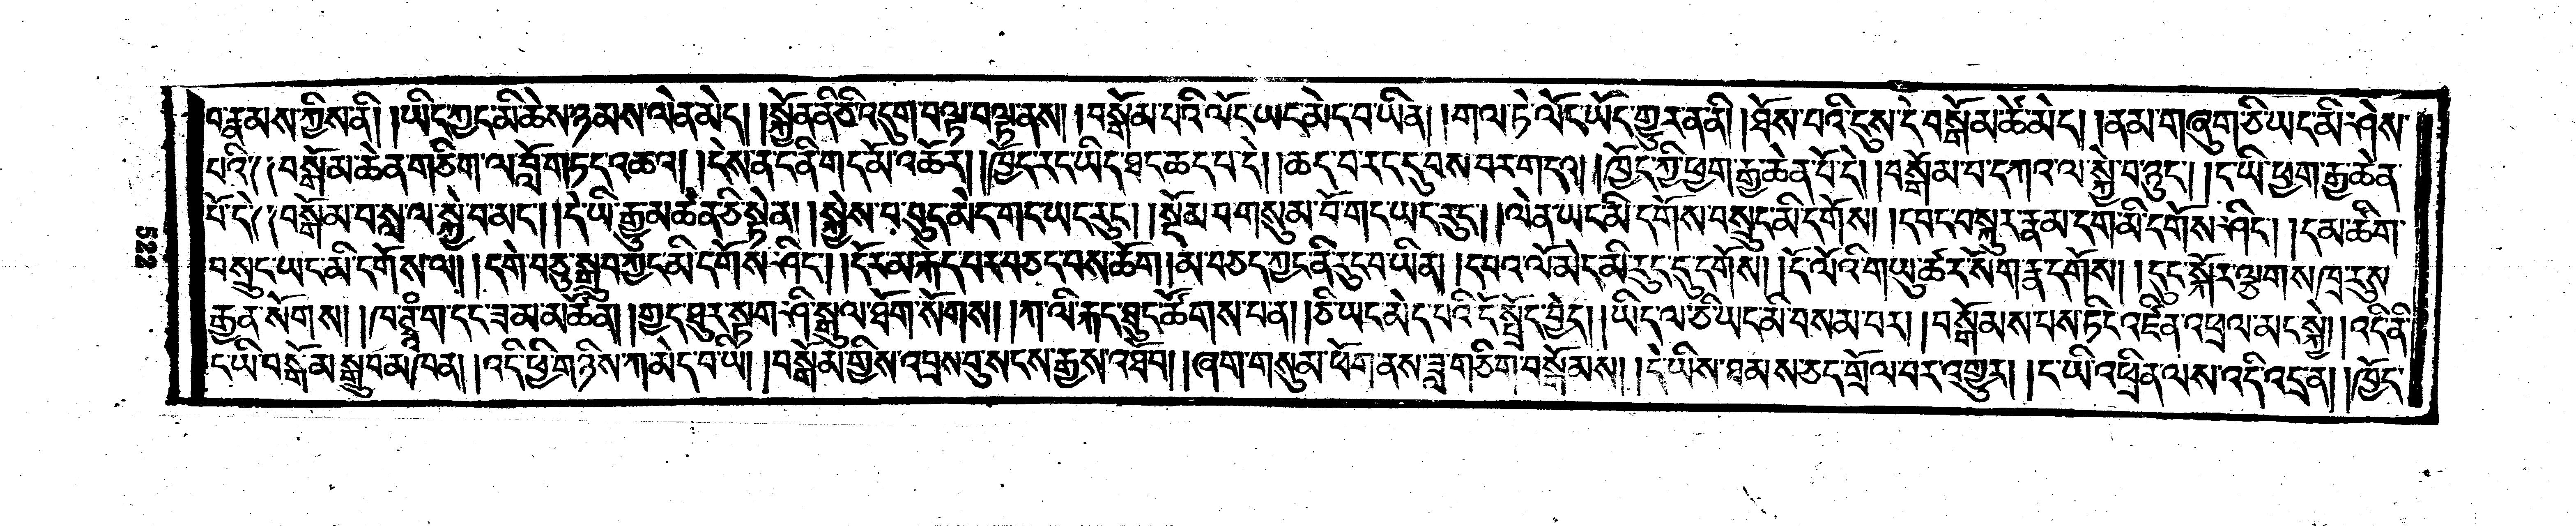པ་རྣམས་ཀྱིས་ནི། །ཡིད་ཀྱང་མི་ཆེས་ཉམས་ལེན་མེད། །སྐྱོན་ནི་ཅི་འདུག་བལྟ་བལྟ་ནས། །བསྒོམ་པའི་ལོང་ཡང་མེད་པ་ཡིན། །གལ་ཏེ་ལོང་ཡོད་གྱུར་ན་ནི། །ཐོས་པའི་དུས་དེ་བསྒོམ་ཚེ་མེད། །ནམ་གཞུག་ཅི་ཡང་མི་ཤེས་
པའི༑ ༑བསྒོམ་ཆེན་གཅིག་ལ་བློ་གཏད་འཆའ། །དེས་ན་ང་ནི་གང་མོ་འཆོར། །ཁྱོད་རང་ཡིད་ཐང་ཆད་པ་དེ། །ཆོད་པ་རང་དུ་བས་བར་གདའ། །ཁྱོད་ཀྱི་ཕྱག་རྒྱ་ཆེན་པོ་དེ། །བསྒོམ་པ་དཀའ་ལ་ཀྱེ་བ་ཅུང་། །ང་ཡི་ཕྱག་རྒྱ་ཆེན་
པོ་དེ༑ ༑བསྒོམ་པ་སླ་ལ་སྐྱེ་བ་མང་། །དེ་ཡི་རྒྱུ་མཚན་ཅི་སྟེ་ན། །སྐྱེས་པ་བུད་མེད་གང་ཡང་རུང་། །སྡོམ་པ་གསུམ་པོ་གང་ཡང་རུང་། །ལེན་ཡང་མི་དགོས་བསྲུང་མི་དགོས། །དབང་བསྐུར་རྣམ་དག་མི་དགོས་ཤིང་། །དམ་ཚིག་
བསྲུང་ཡང་མི་དགོས་ལ། །དགེ་བཅུ་སྒྲུབ་ཀྱང་མི་དགོས་ཤིང་། །དོར་མ་རྐེད་པར་བཅད་པས་ཆོག །མ་བཅད་ཀྱང་ནི་རུང་བ་ཡིན། །དབའ་ལོ་མེད་མི་རུང་དུ་དགོས། །དེ་ལོའི་གཡུ་ཚར་སོག་རྣ་དགོས། །དུང་སྐོར་ལྕགས་ཁྲ་རུས་
རྒྱུན་སོགས། །ཁ་ཊཝའཾ་ག་དང་ཟ་མ་མཚོན། །གྱད་ཐུར་སྟག་ཤི་སྒུལ་ཐོག་སོགས། །ཀ་ལི་རྐང་ཐུང་ཚོགས་པ་ན། །ཅི་ཡང་མེད་པའི་ངོ་སྤྲོད་བྱེད། །ཡིད་ལ་ཅི་ཡང་མི་བསམ་པར། །བསྒོམས་པས་ཏིང་འཛིན་འཕྲལ་མང་སྐྱེ། །འདི་ནི་
ང་ཡི་བསྒོམ་སྒྲུབ་མཁན། །འདི་ཕྱི་གཉིས་ཀ་མེད་པ་ཡི། །བསྒོམ་གྱིས་འབྲས་བུ་སངས་རྒྱས་འཐོབ། །ཞག་གསུམ་ཕོག་ནས་ཟླ་གཅིག་བསྒོམས། །དེ་ཡིས་ཐམས་ཅད་གྲོལ་བར་འགྱུར། །ང་ཡི་འཕྲིན་ལས་འདི་འདྲ་ན། །ཁྱོད་